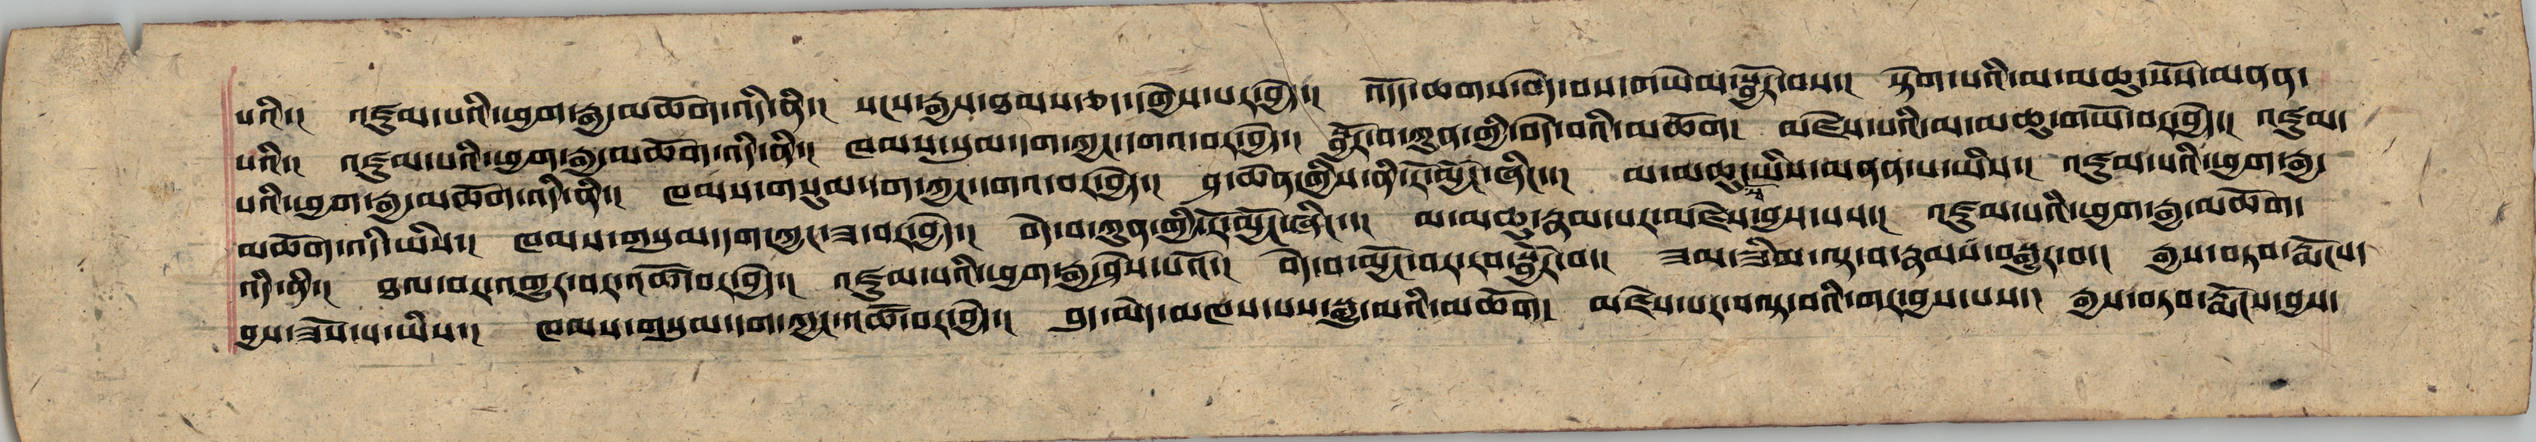པའི་། འཛུམ་པའི་ཕྱག་རྒྱ་མཆོག་འདི་ནི་། སངས་རྒྱས་ཐམས་ཅད་དགྱེས་པར་བྱེད་། འདོད་ཆགས་བདེ་བས་གཡེམ་སྦྱོར་བས་། སྟེག་པའི་མ་མཆུ་སོས་མནན་
པའོ་། འཛུམ་པའི་ཕྱག་རྒྱ་མཆོག་འདི་ནི་། ཁམས་སུམ་དག་ཀྱང་དགའ་བར་བྱེད་། སྦྱོར་བ་ཀུན་གྱི་བདེ་བའི་མཆོག། མཛེས་པའི་མ་མཆུ་གཡོ་བར་བྱེད་། འཛུམ་
པའི་ཕྱག་རྒྱ་མཆོག་འདི་ནི་། ཁམས་གསུམ་དག་ཀྱང་དགའ་བར་བྱེད་། ཤ་ཆེན་གྱིས་ནི་རོ་མྱོང་ཞིང་་། མ་མཆུ་སོ་ཡིས་མནན་པ་ཡིས་། འཛུམ་པའི་ཕྱག་རྒྱ་
མཆོག་འདི་ཡིས་། ཁམས་གསུམ་དག་ཀྱང་ཟ་བར་བྱེད་། བདེ་བ་ཀུན་གྱི་རོ་མྱོང་ཞིང་་། མ་མཆུ་རྣམ་པར་མཛེས་བྱས་པས་། འཛུམ་པའི་ཕྱག་རྒྱ་མཆོག་
འདི་ནི་།། ཐལ་བར་འགྱུར་བར་འཚོ་བར་བྱེད་། འཛུམ་པའི་ཕྱག་རྒྱ་ཤེས་པའོ་། བདེ་བ་མྱོང་བར་རབ་སྦྱོར་བ་། ཟམ་ཟིམ་ལྟ་བ་རྣམས་བསྒྱུར་བ་། རྒྱས་བཏབ་རྨོངས་
བྱས་ཟོས་པ་ཡིས་། ཁམས་གསུམ་དག་ཀྱང་འཚོ་བར་བྱེད་། བུད་མེད་མཁས་པས་སྒྱུ་མའི་མཆོག། མཛེས་པར་བལྟ་བའི་གར་བྱས་པས་། རྒྱས་བཏབ་རྨོངས་བྱས་